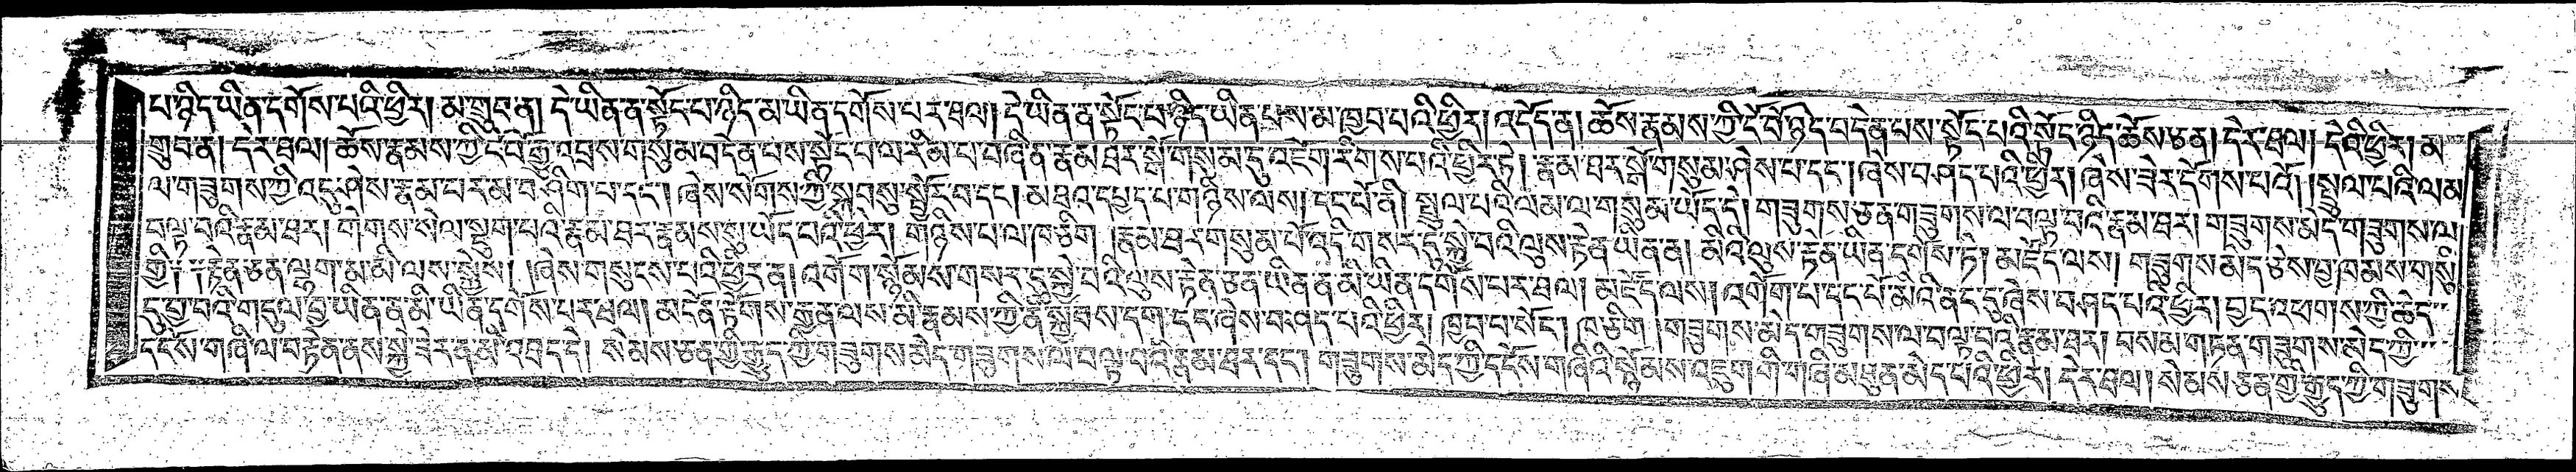པ་ཉིད་ཡིན་དགོས་པའི་ཕྱིར། མ་གྲུབ་ན། དེ་ཡིན་ན་སྟོང་པ་ཉིད་མ་ཡིན་དགོས་པར་ཐལ། དེ་ཡིན་ན་སྟོང་པ་ཉིད་ཡིན་པས་མ་ཁྱབ་པའི་ཕྱིར། འདོད་ན། ཆོས་རྣམས་ཀྱི་ངོ་བོ་ཉིད་བདེན་པས་སྟོང་པའི་སྟོང་ཉིད་ཆོས་ཅན། དེར་ཐལ། དེའི་ཕྱིར། མ་
གྲུབ་ན། དེར་ཐལ། ཆོས་རྣམས་ཀྱི་ངོ་བོ་རྒྱུ་འབྲས་གསུམ་བདེན་པས་སྟོང་པ་ལ་རིམ་པ་བཞིན་རྣམ་ཐར་སྒོ་གསུམ་དུ་འཇོག་རིགས་པའི་ཕྱིར་ཏེ། རྣམ་ཐར་སྒོ་གསུམ་ཤེས་པ་དང་། ཞེས་བཤད་པའི་ཕྱིར། ཞེས་ཟེར་དོགས་པའོ། །སྤྲུལ་པའི་ལམ་
ལ་གཟུགས་ཀྱི་འདུ་ཤེས་རྣམ་པར་མ་བཤིག་པ་དང་། ཞེས་སོགས་ཀྱི་སྐབས་སུ་སྦྱོར་བ་དང་། མཐའ་དཔྱད་པ་གཉིས་ལས། དང་པོ་ནི། སྤྲུལ་པའི་ལམ་ལ་གསུམ་ཡོད་དེ། གཟུགས་ཅན་གཟུགས་ལ་ལྟ་བའི་རྣམ་ཐར། གཟུགས་མེད་གཟུགས་ལ་
ལྟ་བའི་རྣམ་ཐར། གེགས་སེལ་སྡུག་པའི་རྣམ་ཐར་རྣམས་སུ་ཡོད་པའི་ཕྱིར། གཉིས་པ་ལ་ཁ་ཅིག །རྣམ་ཐར་གསུམ་པོ་འདི་གསར་དུ་སྐྱེ་བའི་ལུས་རྟེན་ཡིན་ན། མིའི་ལུས་རྟེན་ཡིན་དགོས་ཏེ། མཛོད་ལས། གཟུགས་མེད་ཅེས་བྱ་ཁམས་གསུམ་
གྱི༑ ༑རྟེན་ཅན་ལྷག་མ་མི་ལས་སྐྱེས། །ཞེས་གསུངས་པའི་ཕྱིར་ན། འགོག་སྙོམས་གསར་དུ་སྐྱེ་བའི་ལུས་རྟེན་ཅན་ཡིན་ན་མི་ཡིན་དགོས་པར་ཐལ། མཛོད་ལས། འགོག་པ་དང་པོ་མིའི་ནང་དུ་ཞེས་བཤད་པའི་ཕྱིར། བྱང་འཕགས་ཀྱི་ཆེད་
དུ་བྱ་བའི་གདུལ་བྱ་ཡིན་ན་མི་ཡིན་དགོས་པར་ཐལ། མངོན་རྟོགས་རྒྱན་ལས། མི་རྣམས་ཀྱི་ནི་སྐྱབས་དག་དང་ཞེས་བཤད་པའི་ཕྱིར། ཁྱབ་པ་སོང་། ཁ་ཅིག །གཟུགས་མེད་གཟུགས་ལ་ལྟ་བའི་རྣམ་ཐར། བསམ་གཏན་གཟུགས་མེད་ཀྱི་
དངོས་གཞི་ལ་བརྟེན་ནས་སྐྱེ་ཟེར་ན་མི་འཐད་དེ། སེམས་ཅན་གྱི་རྒྱུད་ཀྱི་གཟུགས་མེད་གཟུགས་ལ་བལྟ་བའི་རྣམ་ཐར་དང་། གཟུགས་མེད་ཀྱི་དངོས་གཞིའི་སྙོམས་འཇུག་གི་གཞི་མཐུན་མེད་པའི་ཕྱིར། དེར་ཐལ། སེམས་ཅན་གྱི་རྒྱུད་ཀྱི་གཟུགས་